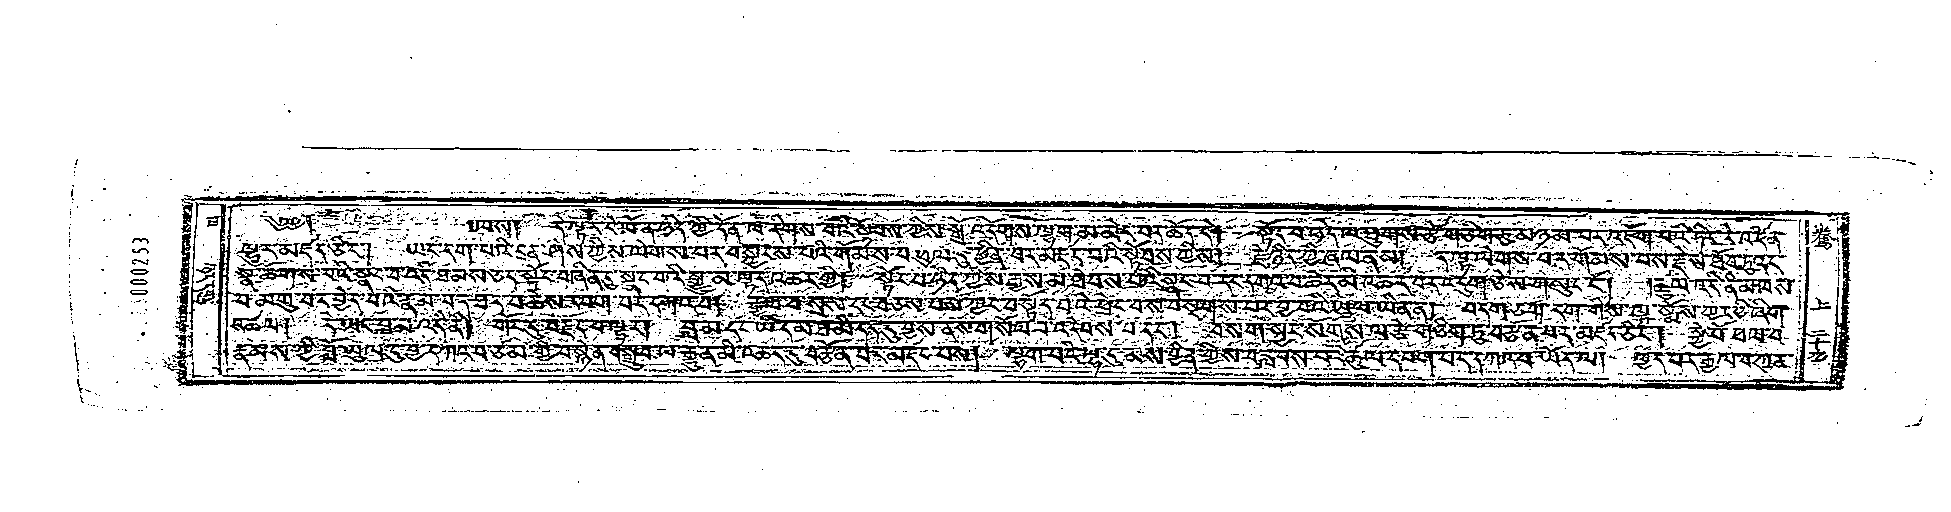༄༅། །ལས། དེ་ལྟར་དེ་ཁོ་ན་ཉིད་ཀྱི་དོན་ལ་རིགས་པའི་སྟོབས་ཀྱིས་སྒྲོ་འདོགས་ལྷག་མ་མེད་བར་ཆོད་དེ། སྟོང་པ་ཉིད་ལ་ཐུགས་རྩེ་གཅིག་ཏུ་མཉམ་པར་འཇོག་པའི་ཏིང་ངེ་འཛིན་
ལྷུར་མཛད་ཅིང་། ཡང་དག་པའི་དྲན་ཤེས་ཀྱིས་ལེགས་པར་བསྐྱངས་པའི་གོམས་པ་ཕུལ་དུ་ཕྱིན་པར་མཛད་པའི་སྟོབས་ཀྱིས། རྗེ་ཉིད་ཀྱི་ཞལ་ནས། ད་ལྟ་ལེགས་བར་གོམས་པས་རྗེས་ཐོབ་ཏུའང་
སྣ་ཚོགས་པའི་སྣང་བ་འདི་ཐམས་ཅད་སྟོང་བཞིན་དུ་སྣང་བའི་སྒྱུ་མ་ལྟར་འཆར་གྱི། སྟོང་པ་ཉིད་ཀྱིས་རྒྱས་མ་ཐབས་པའི་སྣང་བ་རང་དགའ་བ་ཆེར་མི་འཆར་བར་འདུག་ཅེས་གསུང་ངོ། །ཚུལ་འདི་ནི་མཁས་
པ་མགུ་བར་བྱེད་པའི་རྣམ་པར་ཐར་པ་ཆེས་དཔག་པར་དཀའ་བ། རྒྱལ་བ་སྲས་དང་བཅས་པས་ཀྱང་བསྟོད་པའི་ཕྲེང་བས་བསྔགས་པར་བྱ་བའི་ཡུལ་ཡིན་ན། བདག་ཅག་དག་གིས་ལྟ་སྨོས་ཀྱང་ཅི་ཞིག་
འཚལ། དེ་ཡང་བླ་མ་འདི་ནི། གོང་དུ་བརྗོད་པ་ལྟར། བླ་མ་དང་ཡི་དམ་ཐ་མི་དད་དུ་བྱས་ནས་གསོལ་བ་འདེབས་པ་དང་། བསག་སྦྱང་སོགས་ལ་རྩེ་གཅིག་ཏུ་བརྩན་པར་མཛད་ཅིང་། སྐྱེ་བོ་ཕལ་བ་
རྣམས་ཀྱི་བློ་ཡུལ་དུ་བྱ་དཀའ་བ་ཙམ་གྱི་བསྙེན་བསྒྲུབ་ལ་རྒྱུན་མི་འཆད་དུ་བརྩོན་པར་མཛད་པས། ལྷག་པའི་ལྷ་དུ་མས་བྱིན་གྱིས་བརླབས་པའི་ཚུལ་དཔག་པད་དཀའ་བ་ཡོད་ལ། ཁྱད་པར་རྒྱལ་བ་ཀུན་